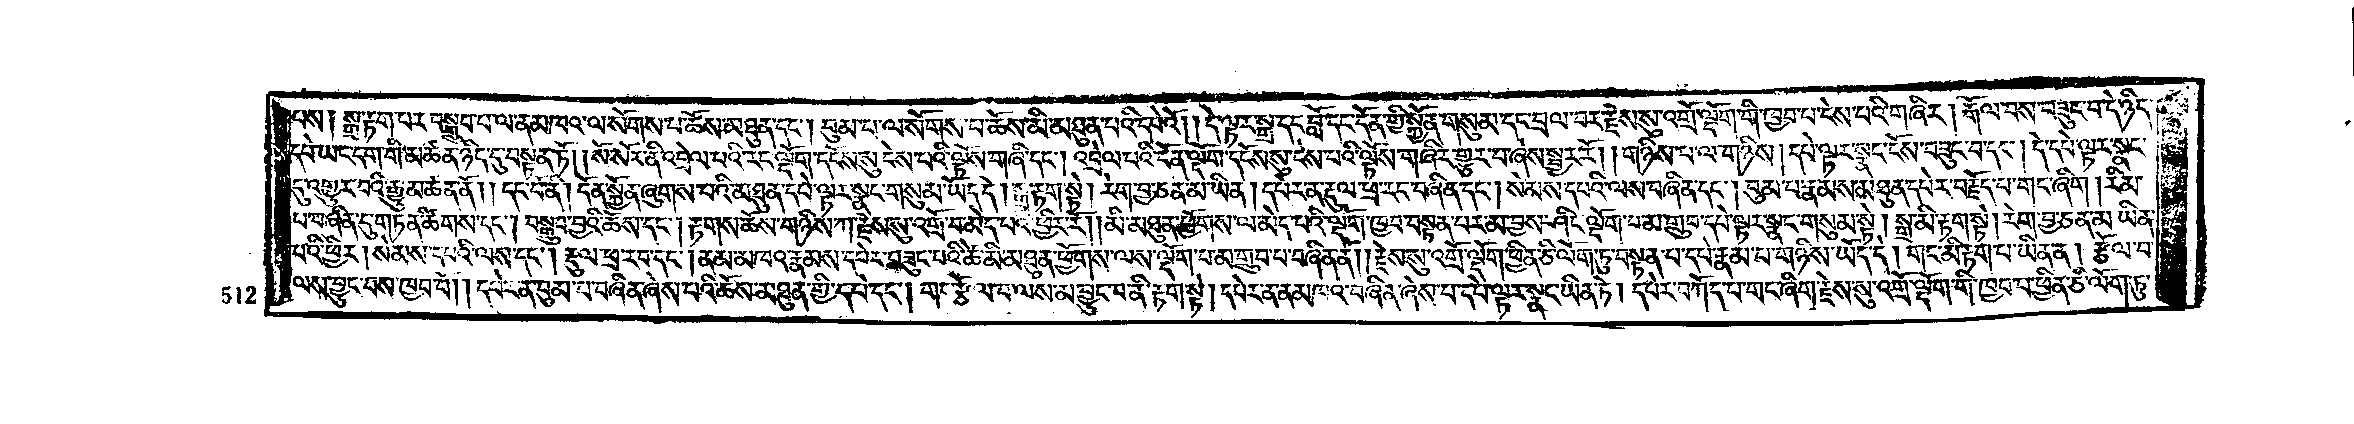པས༑ སྒྲ་རྟག་པར་བསྒྲུབ་པ་ལ་ནམ་མཁའ་ལ་སོགས་པ་ཆོས་མཐུན་དང་། བུམ་པ་ལ་སོགས་པ་ཆོས་མི་མཐུན་པའི་དཔེའོ། །དེ་ལྟར་སྒྲ་དང་བློ་དང་དོན་གྱི་སྐྱོན་གསུམ་དང་བྲལ་བར་རྗེས་སུ་འགྲོ་ལྡོག་གི་ཁྱབ་པ་ངེས་པའི་གཞིར། རྒོལ་བས་བཟུང་བ་དེ་ཉིད་
དཔེ་ཡང་དག་གི་མཚན་ཉིད་དུ་བསྟན་ཏོ། །སོ་སོའི་ནི་འབྲེལ་པའི་རང་ལྡོག་དངོས་སུ་ངེས་པའི་ལྟོས་གཞི་དང་། འབྲེལ་པའི་དོན་ལྡོག་དངོས་སུ་ངེས་པའི་ལྟོས་གཞིར་གྱུར་པ་ཞེས་སྦྱར་རོ། །གཉིས་པ་ལ་གཉིས། དཔེ་ལྟར་སྣང་ངོས་བཟུང་བ་དང་། དེ་དཔེ་ལྟར་སྣང་
དུ་འགྱུར་བའི་རྒྱུ་མཚན་ནོ། །དང་པོ་ནི། དོན་སྐྱོན་ཞུགས་པའི་མཐུན་དཔེ་ལྟར་སྣང་གསུམ་ཡོད་དེ། སྒྲ་རྟག་སྟེ། རེག་བྱ་ཅན་མ་ཡིན། དཔེར་ན་རྡུལ་ཕྲ་རང་བཞིན་དང་། སེམས་དཔའི་ལས་བཞིན་དང་། བུམ་པ་རྣམས་མཐུན་དཔེར་བརྗོད་པ་གང་ཞིག །རིམ་
པ་བཞིན་དུ་གཏན་ཚིགས་དང་། བསྒྲུབ་བྱའི་ཆོས་དང་། རྟགས་ཆོས་གཉིས་ཀ་རྗེས་སུ་འགྲོ་བ་མེད་པའི་ཕྱིར་རོ། །མི་མཐུན་ཕྱོགས་ལ་མེད་པའི་ལྡོག་ཁྱབ་བསྟན་པར་མ་བྱས་ཤིང་ལྡོག་པ་མ་གྲུབ་དཔེ་ལྟར་སྣང་གསུམ་སྟེ། སྒྲ་མི་རྟག་སྟེ། རེག་བྱ་ཅན་མ་ཡིན་
པའི་ཕྱིར། སེམས་དཔའི་ལས་དང་། རྡུལ་ཕྲ་རབ་དང་། ནམ་མཁའ་རྣམས་དཔེར་བཟུང་བའི་ཚེ་མི་མཐུན་ཕྱོགས་ལས་ལྡོག་པ་མ་གྲུབ་པ་བཞིན་ནོ། །རྗེས་སུ་འགྲོ་ལྡོག་ཕྱིན་ཅི་ལོག་ཏུ་བསྟན་པ་དཔེ་རྣམ་པ་གཉིས་ཡོད་དེ། གང་མི་རྟག་པ་ཡིན་ན། རྩོལ་བ་
ལས་བྱུང་བས་ཁྱབ་བོ། །དཔེར་ན་བུམ་པ་བཞིན་ཞེས་པའི་ཆོས་མཐུན་གྱི་དཔེ་དང་། གང་རྩོལ་བ་ལས་མ་བྱུང་བ་ནི་རྟག་སྟེ། དཔེར་ན་ནམ་མཁའ་བཞིན་ཞེས་པ་དཔེ་ལྟར་སྣང་ཡིན་ཏེ། དཔེར་བཀོད་པ་གང་ཞིག་རྗེས་སུ་འགྲོ་ལྡོག་གི་ཁྱབ་པ་ཕྱིན་ཅི་ལོག་ཏུ་